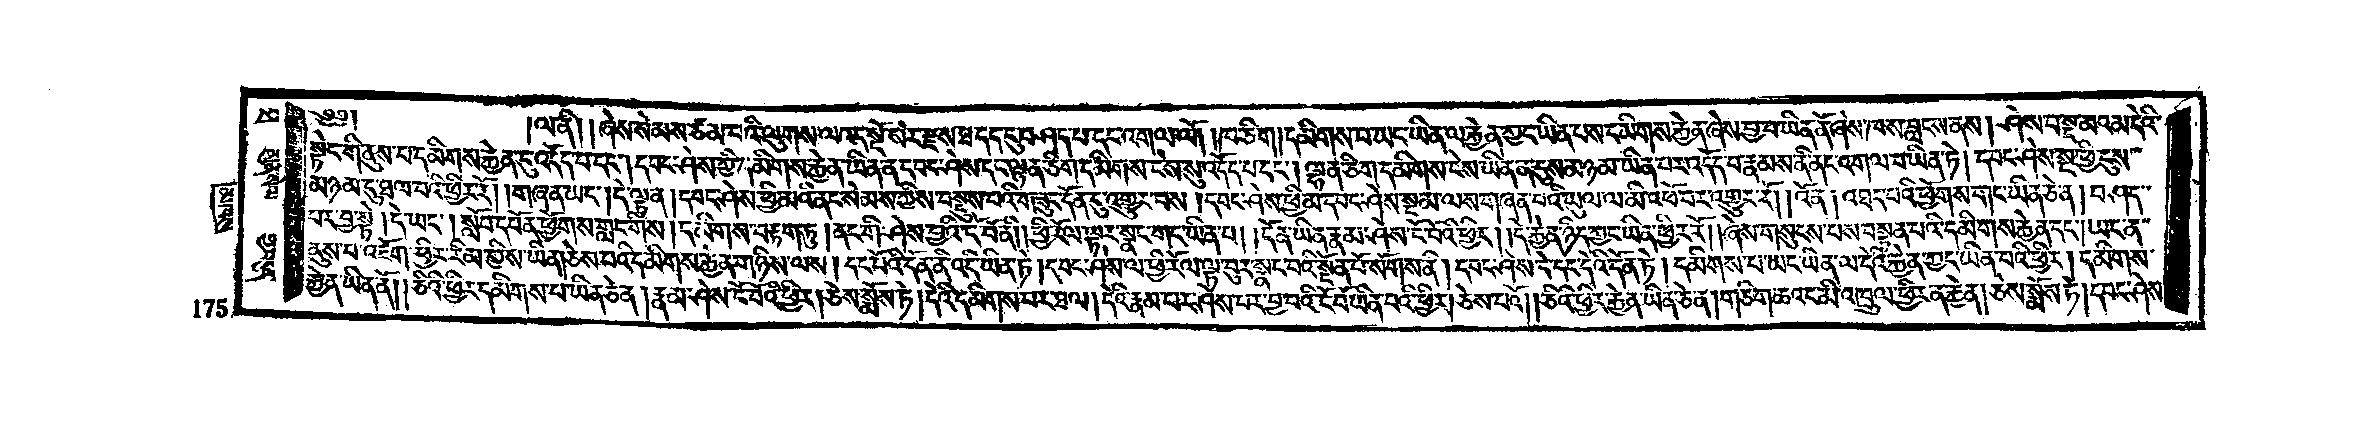༄༅། །ལ་ནི། །ཞེས་སེམས་ཙམ་པའི་ལུགས་ལའང་སྔོ་སེར་རྫས་ཐ་དད་དུ་བཤད་པ་དང་འགལ་ལོ། །ཁ་ཅིག །དམིགས་པ་ཡང་ཡིན་ལ་རྐྱེན་ཀྱང་ཡིན་པས་དམིགས་རྐྱེན་ཞེས་བྱ་བ་ཡིན་ནོ་ཞེས་ཁས་བླངས་ནས། ཤེས་པ་སྔ་མའམ་དེའི་
སྟེང་གི་ནུས་པ་དམིགས་རྐྱེན་དུ་འདོད་པ་དང་། དབང་ཤེས་ཀྱི་དམིགས་རྐྱེན་ཡིན་ན་དབང་ཤེས་དང་ལྷན་ཅིག་དམིགས་ངེས་སུ་འདོད་པ་དང་། ལྷན་ཅིག་དམིགས་ངེས་ཡིན་ན་དུས་མཉམ་ཡིན་པར་འདོད་པ་རྣམས་ནི་ནང་འགལ་བ་ཡིན་ཏེ། དབང་ཤེས་སྔ་ཕྱི་དུས་
མཉམ་དུ་ཐལ་བའི་ཕྱིར་རོ། །གཞན་ཡང་། དེ་ལྟ་ན། དབང་ཤེས་ཕྱི་མའི་ནང་སེམས་ཀྱིས་བསྡུས་པའི་གཟུང་དོན་དུ་འགྱུར་བས། དབང་ཤེས་ཕྱི་མ་དབང་ཤེས་སྔ་མ་ལས་གཞན་པའི་ཡུལ་ལ་མི་འཕོ་བར་འགྱུར་རོ། །འོ་ན། འཐད་པའི་ཕྱོགས་གང་ཡིན་ཅེ་ན། བཤད་
པར་བྱ་སྟེ། དེ་ཡང་། སློབ་དཔོན་ཕྱོགས་གླང་གིས། དམིགས་བརྟག་ཏུ། ནང་གི་ཤེས་བྱའི་ངོ་བོ་ནི། །ཕྱི་རོལ་ལྟར་སྣང་གང་ཡིན་པ། །དོན་ཡིན་རྣམ་ཤེས་ངོ་བོའི་ཕྱིར། །དེ་རྐྱེན་ཉིད་ཀྱང་ཡིན་ཕྱིར་རོ། །ཞེས་གསུངས་པས་བསྟན་པའི་དམིགས་རྐྱེན་དང་། ཡང་ན་
ནུས་པ་འཇོག་?་ཕྱིར་རིམ་གྱིས་ཡིན། ཅེས་པའི་དམིགས་རྐྱེན་གཉིས་ལས། དང་པོའི་དོན་ནི་འདི་ཡིན་ཏེ། དབང་ཤེས་ལ་ཕྱི་རོལ་ལྟ་བུར་སྣང་བའི་སྔོན་པོ་སོགས་ནི། དབང་ཤེས་དེ་དང་དེའི་དོན་ཏེ། དམིགས་པ་ཡང་ཡིན་ལ་དེའི་རྐྱེན་ཀྱང་ཡིན་པའི་ཕྱིར། དམིགས་
རྐྱེན་ཡིན་ནོ། །ཅིའི་ཕྱིར་དམིགས་པ་ཡིན་ཅེ་ན། རྣམ་ཤེས་ངོ་བོའི་ཕྱིར། ཅེས་སྨོས་ཏེ། དེའི་དམིགས་པར་ཐལ། དེའི་རྣམ་པར་ཤེས་པར་བྱ་བའི་ངོ་བོ་ཡིན་པའི་ཕྱིར། ཅེས་པའོ། །ཅིའི་ཕྱིར་རྐྱེན་ཡིན་ཅེ་ན། གཅིག་ཆའང་མི་འཁྲུལ་ཕྱིར་ན་རྐྱེན། ཅེས་སྨོས་ཏེ། དབང་ཤེས་